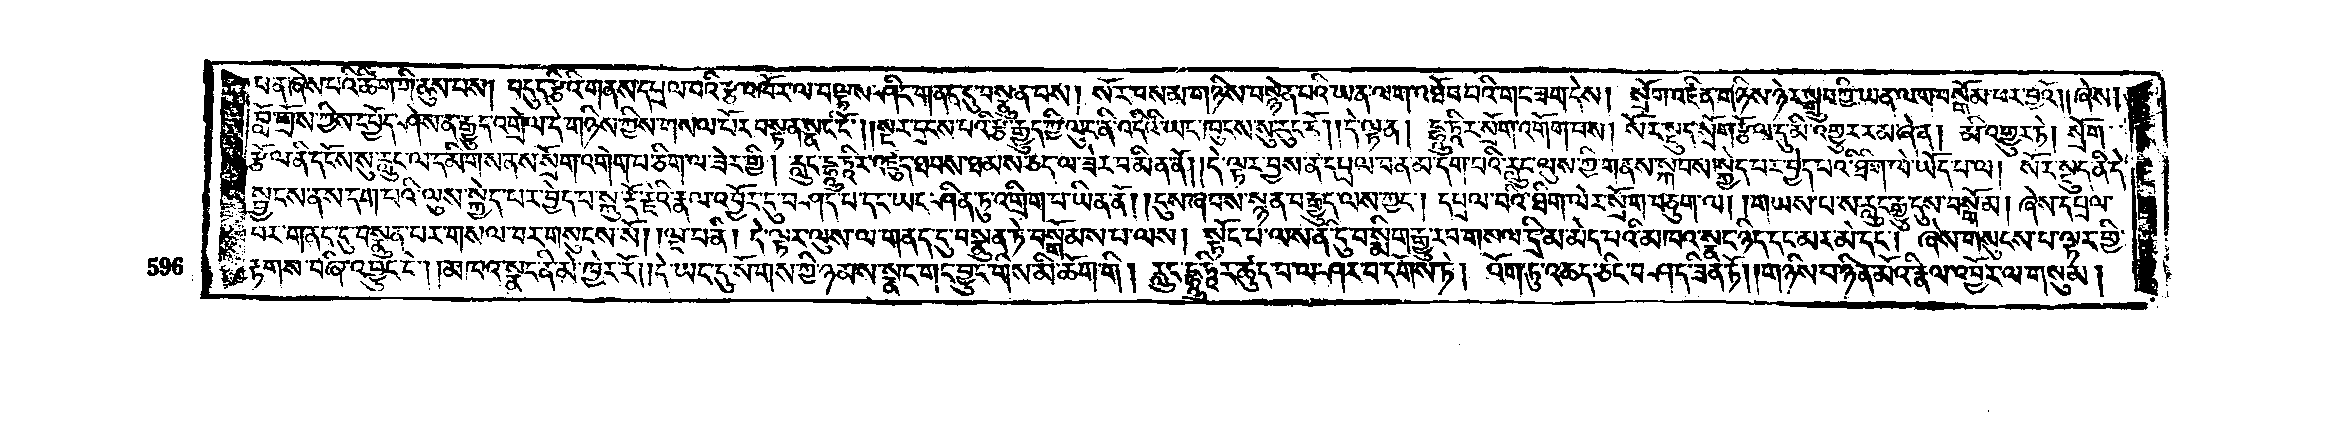པ་ན་ཞེས་པའི་ཚིག་གི་ནུས་པས། བདུད་རྩིའི་གནས་དཔྲལ་བའི་རྩ་འཁོར་ལོ་བལྟས་ཤིང་གནད་དུ་བསྣུན་པས། སོར་བསམ་གཉིས་བསྙེན་པའི་ཡན་ལག་འཐོབ་པའི་གང་ཟག་དེས། སྲོག་འཛིན་གཉིས་ཉེར་སྒྲུབ་ཀྱི་ཡན་ལག་བསྒོམ་པར་བྱའོ། །ཞེས།
བློ་གྲོས་ཀྱིས་དཔྱོད་ཤེས་ན་རྒྱུད་འགྲེལ་དེ་གཉིས་ཀྱིས་གསལ་པོར་བསྟན་སྣང་ངོ། །སྔར་དྲངས་པའི་རྩ་རྒྱུད་ཀྱི་ལུང་ནི་འདིའི་ཡང་ཁུངས་སུ་རུང་ངོ། །དེ་ལྟ་ན། དྷཱུ་ཏཱིར་སྲོག་འགོག་པས། སོར་སྡུད་སྲོག་རྩོལ་དུ་མི་འགྱུར་རམ་ཞེ་ན། མི་འགྱུར་ཏེ། སྲོག་
རྩོལ་ནི་དངོས་སུ་རླུང་ལ་དམིགས་ནས་སྲོག་འགོག་པ་ཅིག་ལ་ཟེར་གྱི། རླུང་དྷཱུ་ཏཱིར་འཛུད་ཐབས་ཐམས་ཅད་ལ་ཟེར་བ་མིན་ནོ། །དེ་ལྟར་བྱས་ན་དཔྲལ་བ་ན་མ་དག་པའི་རླུང་ལུས་ཀྱི་གནས་སྐབས་སྐྱེད་པར་བྱེད་པའི་ཐིག་ལེ་ཡོད་པ་ལ། སོར་སྡུད་ནི་དེ་
སྦྱངས་ནས་དག་པའི་ལུས་སྐྱེད་པར་བྱེད་པ་སྐུ་རྡོ་རྗེའི་རྣལ་འབྱོར་དུ་བཤད་པ་དང་ཡང་ཤིན་ཏུ་འགྲིག་པ་ཡིན་ནོ། །དུས་ཞབས་སྙན་བརྒྱུད་ལས་ཀྱང་། དཔྲལ་བའི་ཐིག་ལེར་སྲོག་བཅུག་ལ། །གཡས་པ་ས་རླུང་རྒྱུ་དུས་བསྒོམ། ཞེས་དཔྲལ་
བར་གནང་དུ་བསྣུན་པར་གསལ་བར་གསུངས་སོ། །ལྔ་པ་ནི། དེ་ལྟར་ལུས་ལ་གནད་དུ་བསྣུན་ཏེ་བསྒོམས་པ་ལས། སྟོང་པ་ལས་ནི་དུ་བ་སྨིག་རྒྱུ་རབ་གསལ་དྲི་མ་མེད་པའི་མཁའ་སྣང་ཉིད་དང་མར་མེ་དང་། ཞེས་གསུངས་པ་ལྟར་གྱི་
རྟགས་བཞི་འབྱུང་ངོ། །མཁའ་སྣང་ནི་མེ་ཁྱེར་རོ། །དེ་ཡང་དུ་སོགས་ཀྱི་ཉམས་སྣང་གང་བྱུང་གིས་མི་ཆོག་གི །རླུང་དྷཱུ་ཏཱིར་ཚུད་པ་ལ་ཤར་བ་དགོས་ཏེ། འོག་ཏུ་འཆད་ཅིང་བཤད་ཟིན་ཏོ། །གཉིས་པ་ཉིན་མོའི་རྣལ་འབྱོར་ལ་གསུམ།